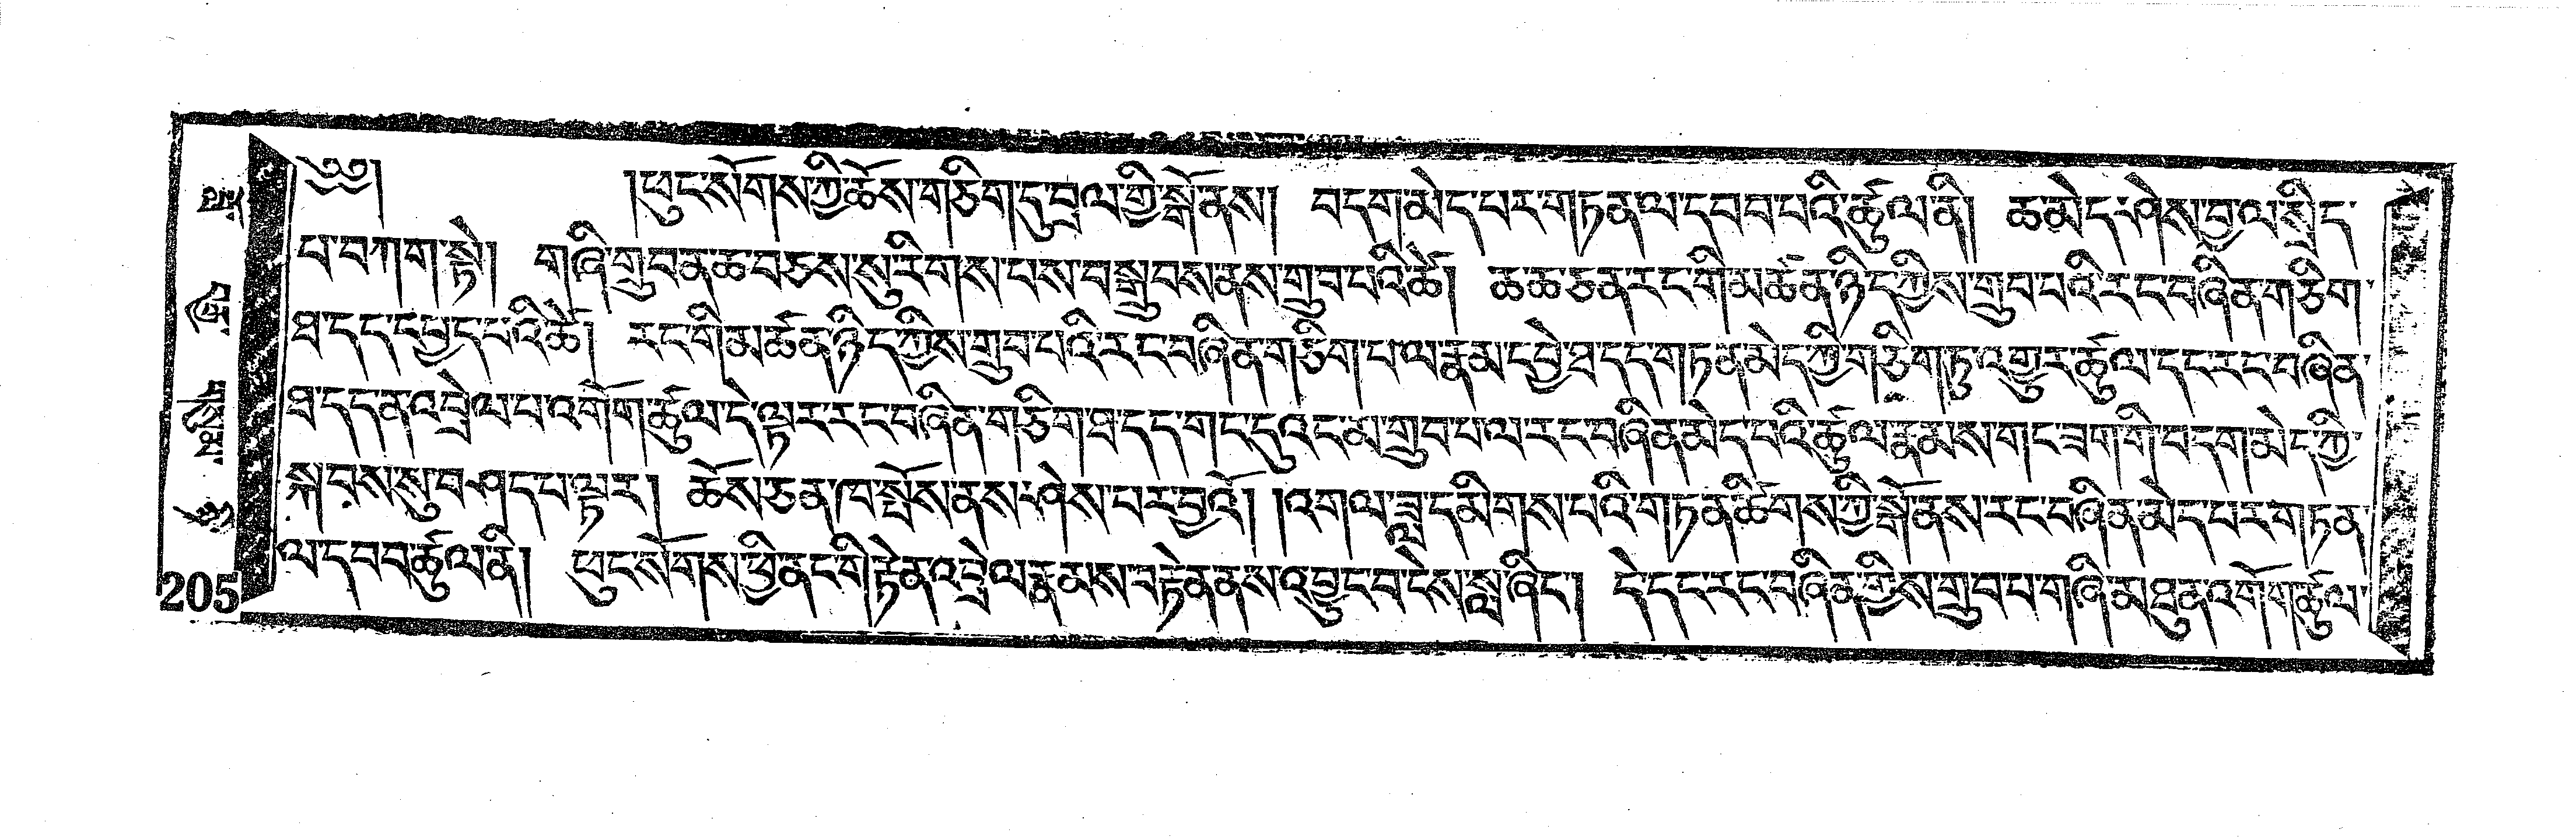༄༅། །ཕུང་སོགས་ཀྱི་ཆོས་གཅིག་དུ་བྲལ་གྱི་སྒོ་ནས། བདག་མེད་པར་གཏན་ལ་དབབ་པའི་ཚུལ་ནི། ཆ་མེད་ཤེས་བྱ་ལ་སྲིད་
པ་བཀག་སྟེ། གཞི་གྲུབ་ན་ཆ་བཅས་སུ་རིགས་པས་བསྒྲུབས་ནས་གྲུབ་པའི་ཚེ། ཆ་ཆ་ཅན་རང་གི་མཚན་ཉིད་ཀྱིས་གྲུབ་པའི་རང་བཞིན་གཅིག་
ཐ་དད་དཔྱད་པའི་ཚེ། རང་གི་མཚན་ཉིད་ཀྱིས་གྲུབ་པའི་རང་བཞིན་གཅིག་པ་ལ་རྣམ་དབྱེ་ཐ་དད་གཏན་མེད་ཀྱི་གཅིག་ཏུ་འགྱུར་ཚུལ་དང་རང་བཞིན་
ཐ་དད་ན་འབྲེལ་པ་འགོག་ཚུལ་དེ་ལྟར་རང་བཞིན་གཅིག་ཐ་དད་གང་དུའང་མ་གྲུབ་པ་ལ་རང་བཞིན་མེད་པའི་ཚུལ་རྣམས་གང་ཟག་གི་བདག་མེད་ཀྱི་
སྐབས་སུ་བཤད་པ་ལྟར། ཆོས་ཅན་ཁ་སྤོས་ནས་ཤེས་པར་བྱའོ། །འགལ་ཟླ་དམིགས་པའི་གཏན་ཚིགས་ཀྱི་སྒོ་ནས་རང་བཞིན་མེད་པར་གཏན་
ལ་དབབ་ཚུལ་ནི། ཕུང་སོགས་ཕྱི་ནང་གི་རྟེན་འབྲེལ་རྣམས་བརྟེན་ནས་འབྱུང་བ་ངེས་སླ་ཞིང་། དེ་དང་རང་བཞིན་གྱིས་གྲུབ་པ་གཞི་མཐུན་འགོག་ཚུལ་